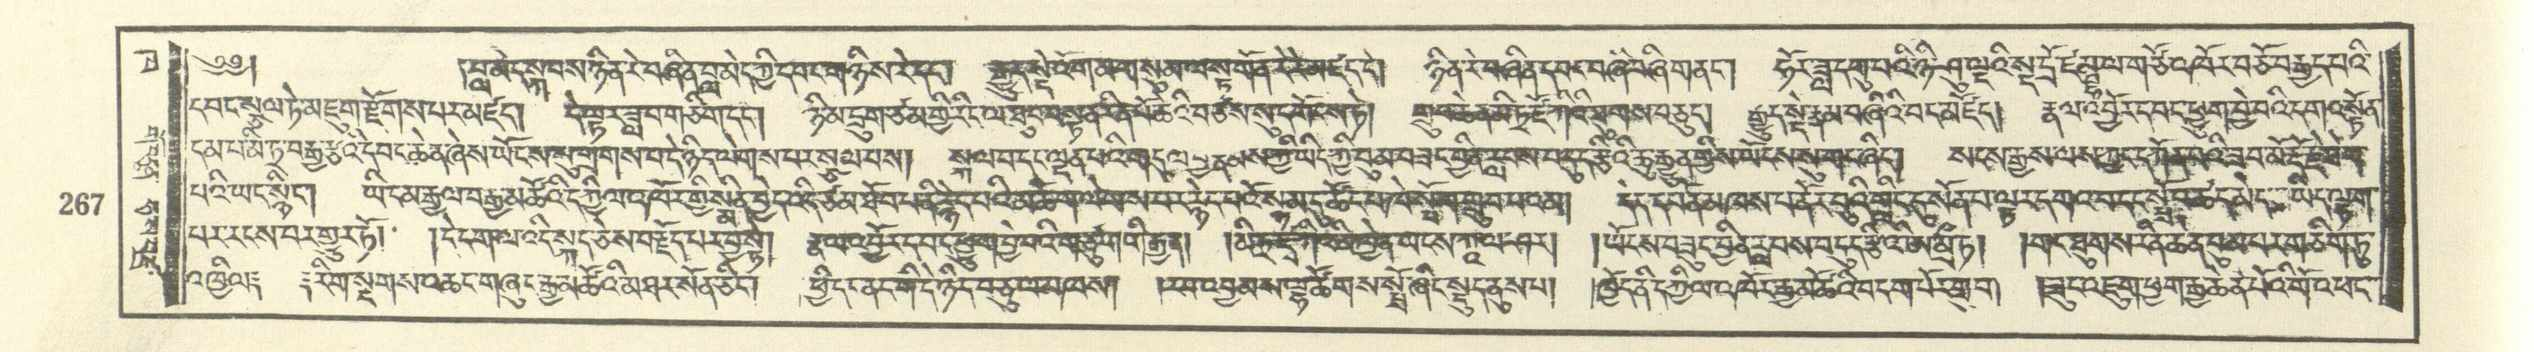༄༅། །བླ་མེད་སྐབས་ཉིན་རེ་བཞིན་བླ་མེད་ཀྱི་དབང་གཉིས་རེ་དང་། རྒྱུད་སྡེ་འོག་མ་གསུམ་ལ་སྟ་གོན་རེ་རེ་མཛད་དེ། ཉིན་རེ་བཞིན་དབང་བཞི་བཞི་གནང་། ཧོར་ཟླ་དགུ་པའི་ཉི་ཤུ་ལྔའི་སྔ་དྲོ་ཛམྦྷ་ལ་གཙོ་འཁོར་བཅོ་བརྒྱད་པའི་
དབང་སྩལ་ཏེ་མཇུག་རྫོགས་པར་མཛད། དེ་ལྟར་ཟླ་བ་གཅིག་དང་། ཉི་མ་དྲུག་ཙམ་གྱི་རིང་ལ་ཐུབ་བསྟན་རིན་པོ་ཆེའི་བཙས་སུ་དགོངས་ཏེ། གྲུབ་ཆེན་མི་ཏྲ་ཛོ་ཀིའི་ཐུགས་བཅུད། རྒྱུད་སྡེ་རྣམ་བཞིའི་བང་མཛོད། རྣལ་འབྱོར་དབང་ཕྱུག་བྱེ་བའི་དགའ་སྟོན་
དམ་པ་མི་ཏྲ་བརྒྱ་རྩའི་དབང་ཆེན་ཞེས་ཡོངས་སུ་གྲགས་པ་དེ་ཉིད་ལེགས་པར་སྩལ་པས། སྐལ་བ་དང་ལྡན་པའི་གདུལ་བྱ་རྣམས་ཀྱི་ཡིད་ཀྱི་བུམ་བཟང་བྱིན་རླབས་བདུད་རྩིའི་ཆུ་རྒྱུན་གྱིས་ཡོངས་སུ་གང་ཞིང་། སངས་རྒྱས་ལས་ཀྱང་དཀོན་པའི་ཟབ་མོ་རྡོ་རྗེ་ཐེག་
པའི་ཡང་སྙིང་། ཡི་དམ་རྒྱལ་བ་རྒྱ་མཚོའི་དཀྱིལ་འཁོར་གྱི་སྨིན་བྱེད་འདི་ཙམ་ཐོབ་པ་ནི་རྙེད་པའི་མཆོག་ལེགས་པར་རྙེད་པའོ་སྙམ་དུ་ཚོང་པ་ཁེ་སྤོག་གྲུབ་པའམ། དེད་དཔོན་མཁས་པ་ནོར་བུའི་གླིང་དུ་སོན་པ་ལྟར་དགའ་བ་དང་སྤྲོ་བ་ཚད་མེད་ཡིད་ལྷག་
པར་རངས་པར་གྱུར་ཏོ། །དེ་དག་ལ་འདི་སྐད་ཅེས་བརྗོད་པར་བྱ་སྟེ། རྣལ་འབྱོར་དབང་ཕྱུག་བྱེ་བའི་གཙུག་གི་རྒྱན། །མི་ཏྲ་ཛྲ་ཀིའི་མཁྱེན་ཡངས་ཀཱ་ལ་ཤར། །ཡོངས་བཟུང་བྱིན་རླབས་བདུད་རྩིའི་ཨ་མྲྀ་ཏ། །གང་ཐུགས་རིན་ཆེན་བུམ་པར་གཅིག་ཏུ་
འཁྱིལ༑ ༑རིག་སྔགས་འཆང་གཞུང་རྒྱ་མཚོའི་མཐར་སོན་ཅིང་། །ཕྱི་དང་ནང་གི་དེ་ཉིད་བཅུ་ལ་མཁས། །རབ་འབྱམས་ལྷ་ཚོགས་སྤྲོ་ཞིང་སྡུད་ནུས་པ། །ཁྱོད་ནི་དཀྱིལ་འཁོར་རྒྱ་མཚོའི་བདག་པོར་གྲུབ། །ཟུང་འཇུག་ཕྱག་རྒྱ་ཆེན་པོའི་གོ་འཕང་